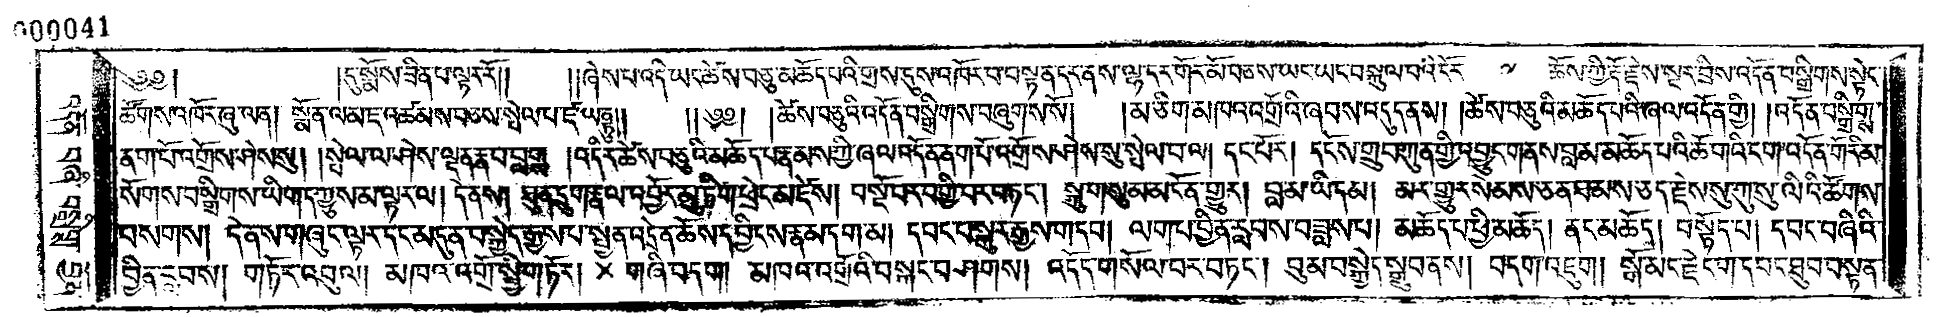༄༅། །དུ་སྨོས་ཟིན་པ་ལྟར་རོ།། །།ཞེས་པ་འདི་ཡང་ཚེས་བཅུ་མཆོད་པའི་གྲས་དུས་འཁོར་བ་བསྟན་དར་ནས་ལྷ་དར་གོར་མོ་བཅས་ཡང་ཡང་བསྐུལ་བའི་ངོར་༧་ཆོས་ཀྱི་རྡོ་རྗེས་སྔར་བྲིས་འདོན་བསྒྲིགས་སྟེང་
ཚོགས་འཁོར་ཞུ་ལན། སྨོན་ལམ་ཇ་འཚམས་བཅས་སྤེལ་པ་ཛ་ཡནྟུ།། །། ༄༅། །ཚེས་བཅུའི་འདོན་བསྒྲིགས་བཞུགས་སོ། །མ་ཅིག་མཁའ་འགྲོའི་ཞབས་འདུད་ནས། །ཚེས་བཅུའི་མཆོད་པའི་ཞལ་འདོན་གྱི། །འདོན་བསྒྲིགས་
ནག་པོ་འགྲོས་ཤེས་སུ། །སྤེལ་ལ་ཤེས་ལྡན་རྣ་བ་བླགས་།འདིར་ཚེས་བཅུའི་མཆོད་པ་རྣམས་ཀྱི་ཞལ་འདོན་ནག་པོ་འགྲོས་ཤེས་སུ་སྤེལ་བ་ལ། དང་པོར། དངོས་གྲུབ་ཀུན་གྱི་འབྱུང་གནས་བླ་མ་མཆོད་པའི་ཆོ་གའི་ངག་འདོན་གོ་རིམ་
སོགས་བསྒྲིགས་ཡིག་དཀྱུས་མ་ལྟར་ལ། དེ་ནས། ཐུན་དྲུག་རྣལ་འབྱོར་མུ་ཏིག་ཕྲེང་མཛེས། བསྔོ་བར་བགྱི་བར་བཏང་། སྐུ་གསུམ་མངོན་གྱུར།  བླ་མ་ཡི་དམ། མར་གྱུར་སེམས་ཅན་ཐམས་ཅད་རྗེས་སུ་ཀུ་སུ་ལིའི་ཚོགས་
བསགས། དེ་ནས་གཞུང་ལྟར་དང་མདུན་བསྐྱེད་རྒྱས་པ་སྤྱན་འདྲེན་ཆོས་དབྱིངས་རྣམ་དག་མ། དབང་བསྐུར་རྒྱས་གདབ། ལག་པ་བྱིན་རླབས་བཟླས་པ། མཆོད་པ་ཕྱི་མཆོད། ནང་མཆོད། བསྟོད་པ། དབང་བཞིའི་
བྱིན་རླབས། གཏོར་འབུལ། མཁའ་འགྲོ་སྤྱི་གཏོར། ྾་གཞི་བདག །མཁའ་འགྲོའི་བསྐང་བཤགས། འདོད་གསོལ་བར་བཏང་། བུམ་བསྐྱེད་སྒྲུབ་ནས། བདག་འཇུག །སྒོ་མང་རྗེ་ངག་དབང་ཐུབ་བསྟན་